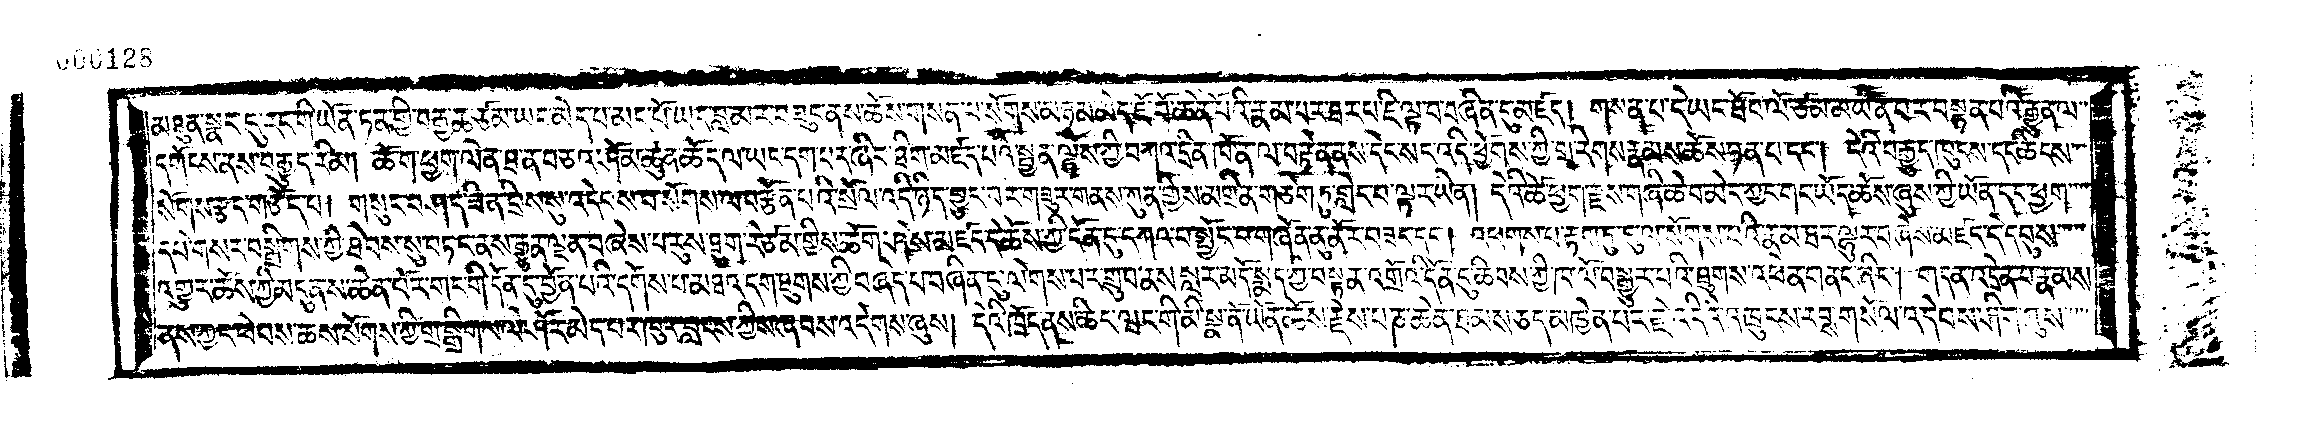མཐུན་སྣང་དུ་རང་གི་ཡོན་ཏན་གྱི་བརྒྱ་ཆ་ཙམ་ཡང་མེད་པ་མང་པོ་ཡང་བླ་མར་བཟུང་ནས་ཆོས་གསན་པ་སོགས་མཉམ་མེད་ཇོ་བོ་ཆེན་པོའི་རྣམ་པར་ཐར་པ་ཇི་ལྟ་བ་བཞིན་དུ་མཛད། གསན་པ་དེ་ཡང་ཐོབ་ལོ་ཙམ་མ་ཡིན་པར་བསྟན་པའི་རྒྱུན་ལ་
དགོངས་ནས་བརྒྱུད་རིམ། ཆོ་ག་ཕྱག་ལེན་ཐ་ན་བཅའ་ཤོམ་ཚུན་ཆོད་ལ་ཡང་དག་པར་ཞིབ་ཐིག་མཛད་པའི་སྤྱན་ལྟོས་ཀྱི་བཀའ་དྲིན་ཁོ་ན་ལ་བརྟེན་ནས་དེང་སང་འདི་ཕྱོགས་ཀྱི་གྲྭ་རིགས་རྣམས་ཆོས་ཉན་པ་དང་། དེའི་བརྒྱུད་ཁུངས་དང་ཆིངས་
སོགས་རྩད་གཅོད་པ། གསུང་བཤད་ཟིན་བྲིས་སུ་འདེབས་པ་སོགས་ལ་བརྩོན་པའི་སྲོལ་འདི་ཉིད་བྱུང་བར་གཟུར་གནས་ཀུན་གྱིས་མགྲིན་གཅིག་ཏུ་གླེང་བ་ལྟར་ཡིན། དེའི་ཚེ་ཕྱག་རྫས་གཞི་ཆེ་བ་མེད་ཀྱང་གང་ཡོད་ཆོས་ཞུས་ཀྱི་ཡོན་དང་ཕྱག་
དཔེ་གསར་བསྒྲིགས་ཀྱི་ཐེབས་སུ་བཏང་ནས་རྒྱུན་ལྡན་བཞེས་པ་རུས་ཐུགས་རེ་ཙམ་གྱིས་ཆོག་ཤེས་མཛད་དེ་ཆོས་ཀྱི་དོན་དུ་དཀའ་བ་སྤྱོད་པ་གཞོན་ནུ་ནོར་བཟང་དང་། འཕགས་པ་རྟག་ཏུ་དུ་ལ་སོགས་པའི་རྣམ་ཐར་ལྷུར་བཞེས་མཛད་དེ་དབུས་
འགྱུར་ཆོས་ཀྱི་མདུན་ས་ཆེན་པོར་གང་གི་དོན་དུ་བྱོན་པའི་དགོས་པ་མཐའ་དག་ཐུགས་ཀྱི་བཞེད་པ་བཞིན་དུ་ལེགས་པར་གྲུབ་ནས་སླར་མདོ་སྨད་ཀྱི་བསྟན་འགྲོའི་དོན་དུ་ཆིབས་ཀྱི་ཁ་ལོ་བསྒྱུར་བའི་ཐུགས་འཕེན་གནང་ཞིང་། གདན་འདྲེན་པ་རྣམས་
ནས་ཀྱང་ཕེབས་ཆས་སོགས་ཀྱི་གྲ་སྒྲིགས་ལེ་ཤོར་མེད་པར་ཁུར་བླངས་ཀྱིས་ཞབས་འདེགས་ཞུས། དེའི་ཁྲོད་ནས་ཆིང་ཝང་གི་མི་སྣ་ནོ་ཡོན་ཆོས་རྗེས་པཎ་ཆེན་ཐམས་ཅད་མཁྱེན་པར་རྗེ་འདིའི་འཁྲུངས་རབས་གསོལ་འདེབས་ཤིག་ཞུས་